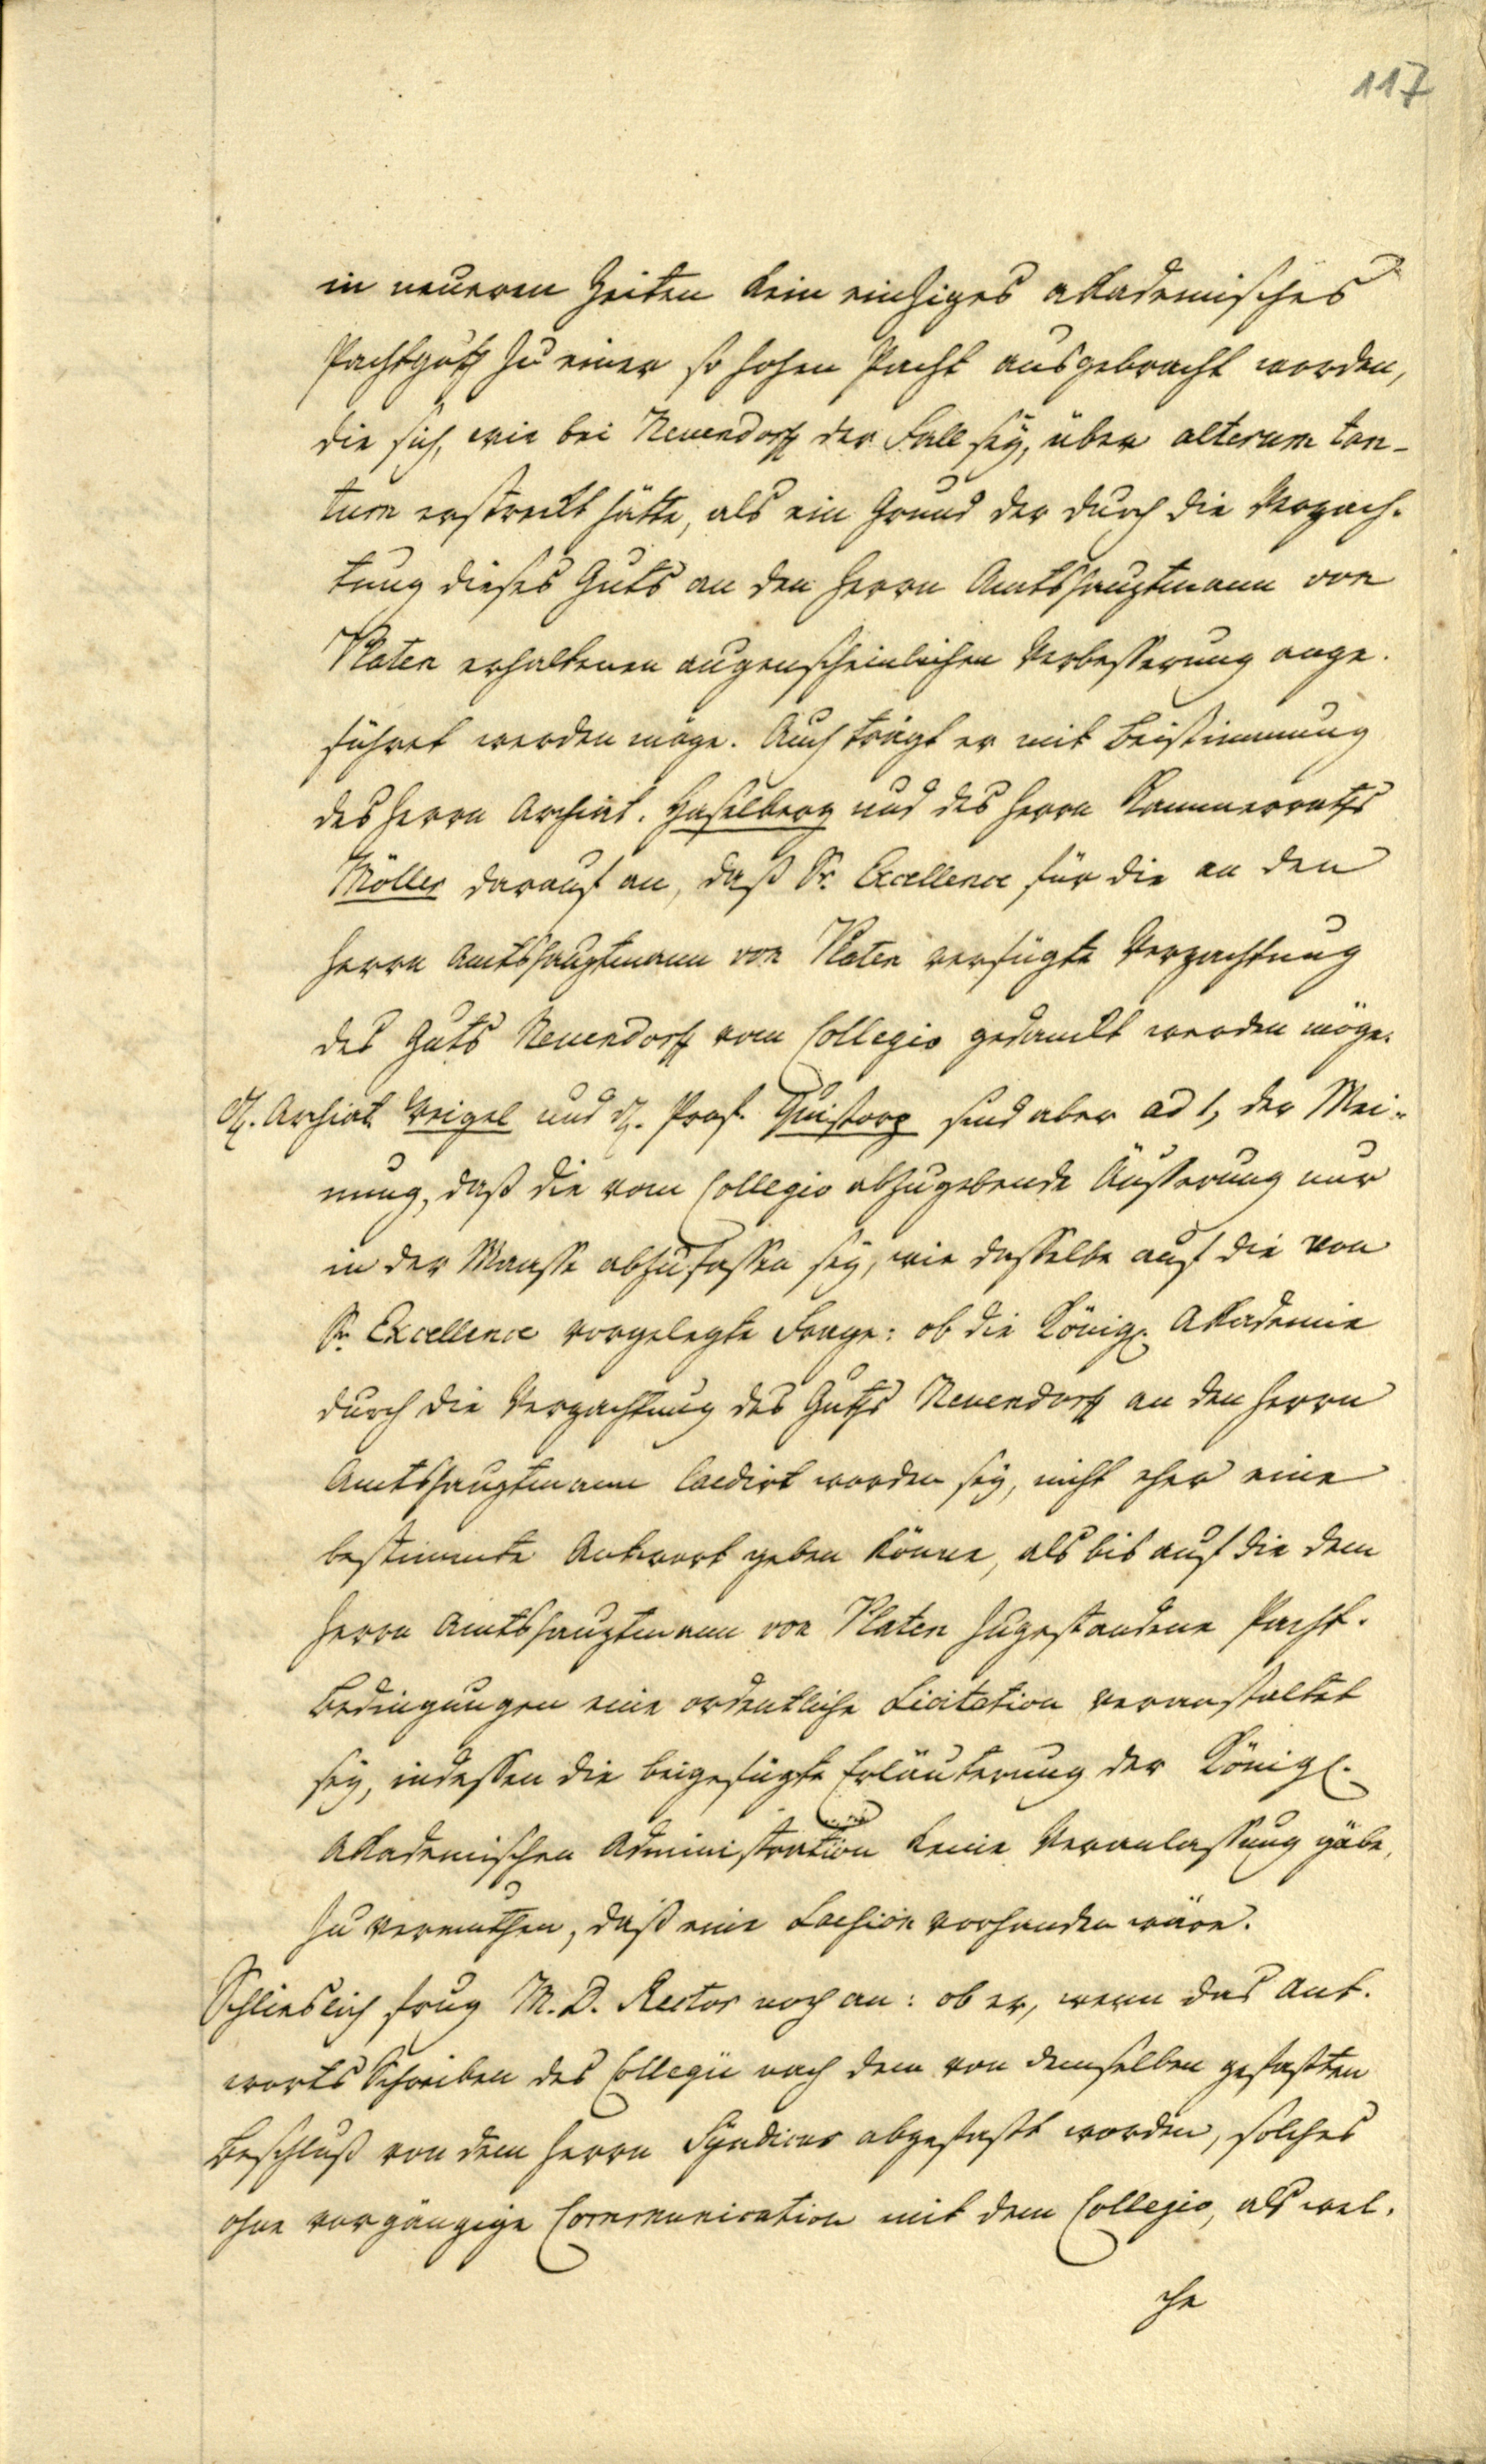in neueren Zeiten kein einziges akademisches
Pachtguth zu einer so hohen Pacht ausgebracht worden,
die sich, wie bei Neuendorff der Fall seÿ, über alterum tan¬
tum erstreckt hätte, als ein Grund der durch die Verpach¬
tung dieses Guts an den Herrn Amtshauptmann von
Platen erhaltenen augenscheinlichen Verbesserung ange¬
führet werden möge. Auch trägt er mit Beistimmung
des Herrn Archiat. Haselberg und des Herrn Kammerraths
Möller darauf an, daß Sr Excellence für die an den
Herrn Amtshauptmann von Platen verfügte Verpachtung
des Guts Neuendorff vom Collegio gedanckt werden möge.
dh. Archiat. Weigel und dh. Prof. Quistorp sind aber ad 1, der Mei¬
nung, daß die vom Collegio abzugebende Äusserung nur
in der Maasse abzufassen seÿ, wie dasselbe auf die von
Sr. Excellence vorgelegte Frage: ob die Königl. Akademie
durch die Verpachtung des Guths Neuendorff an den Herrn
Amtshauptmann laedirt worden seÿ, nicht eher eine
bestimmte Antwort geben könne, als bis auf die dem
Herrn Amtshauptmann von Platen zugestandene Pacht¬
Bedingungen eine ordentliche Licitation veranstaltet
seÿ, indessen die beigefügte Erläuterung der Königl.
Akademischen Administration keine Veranlassung gäbe,
zu vermuthen, daß eine Laesion vorhanden wäre.
Schlieslich frug M. D. Rector noch an: ob er, wenn das Ant¬
worts Schreiben des Collegii nach dem von demselben gefaßten
Beschluß von dem Herrn Sÿndicus abgefaßt worden, solches
ohne vorgängige Communication mit dem Collegio, als wel¬
che